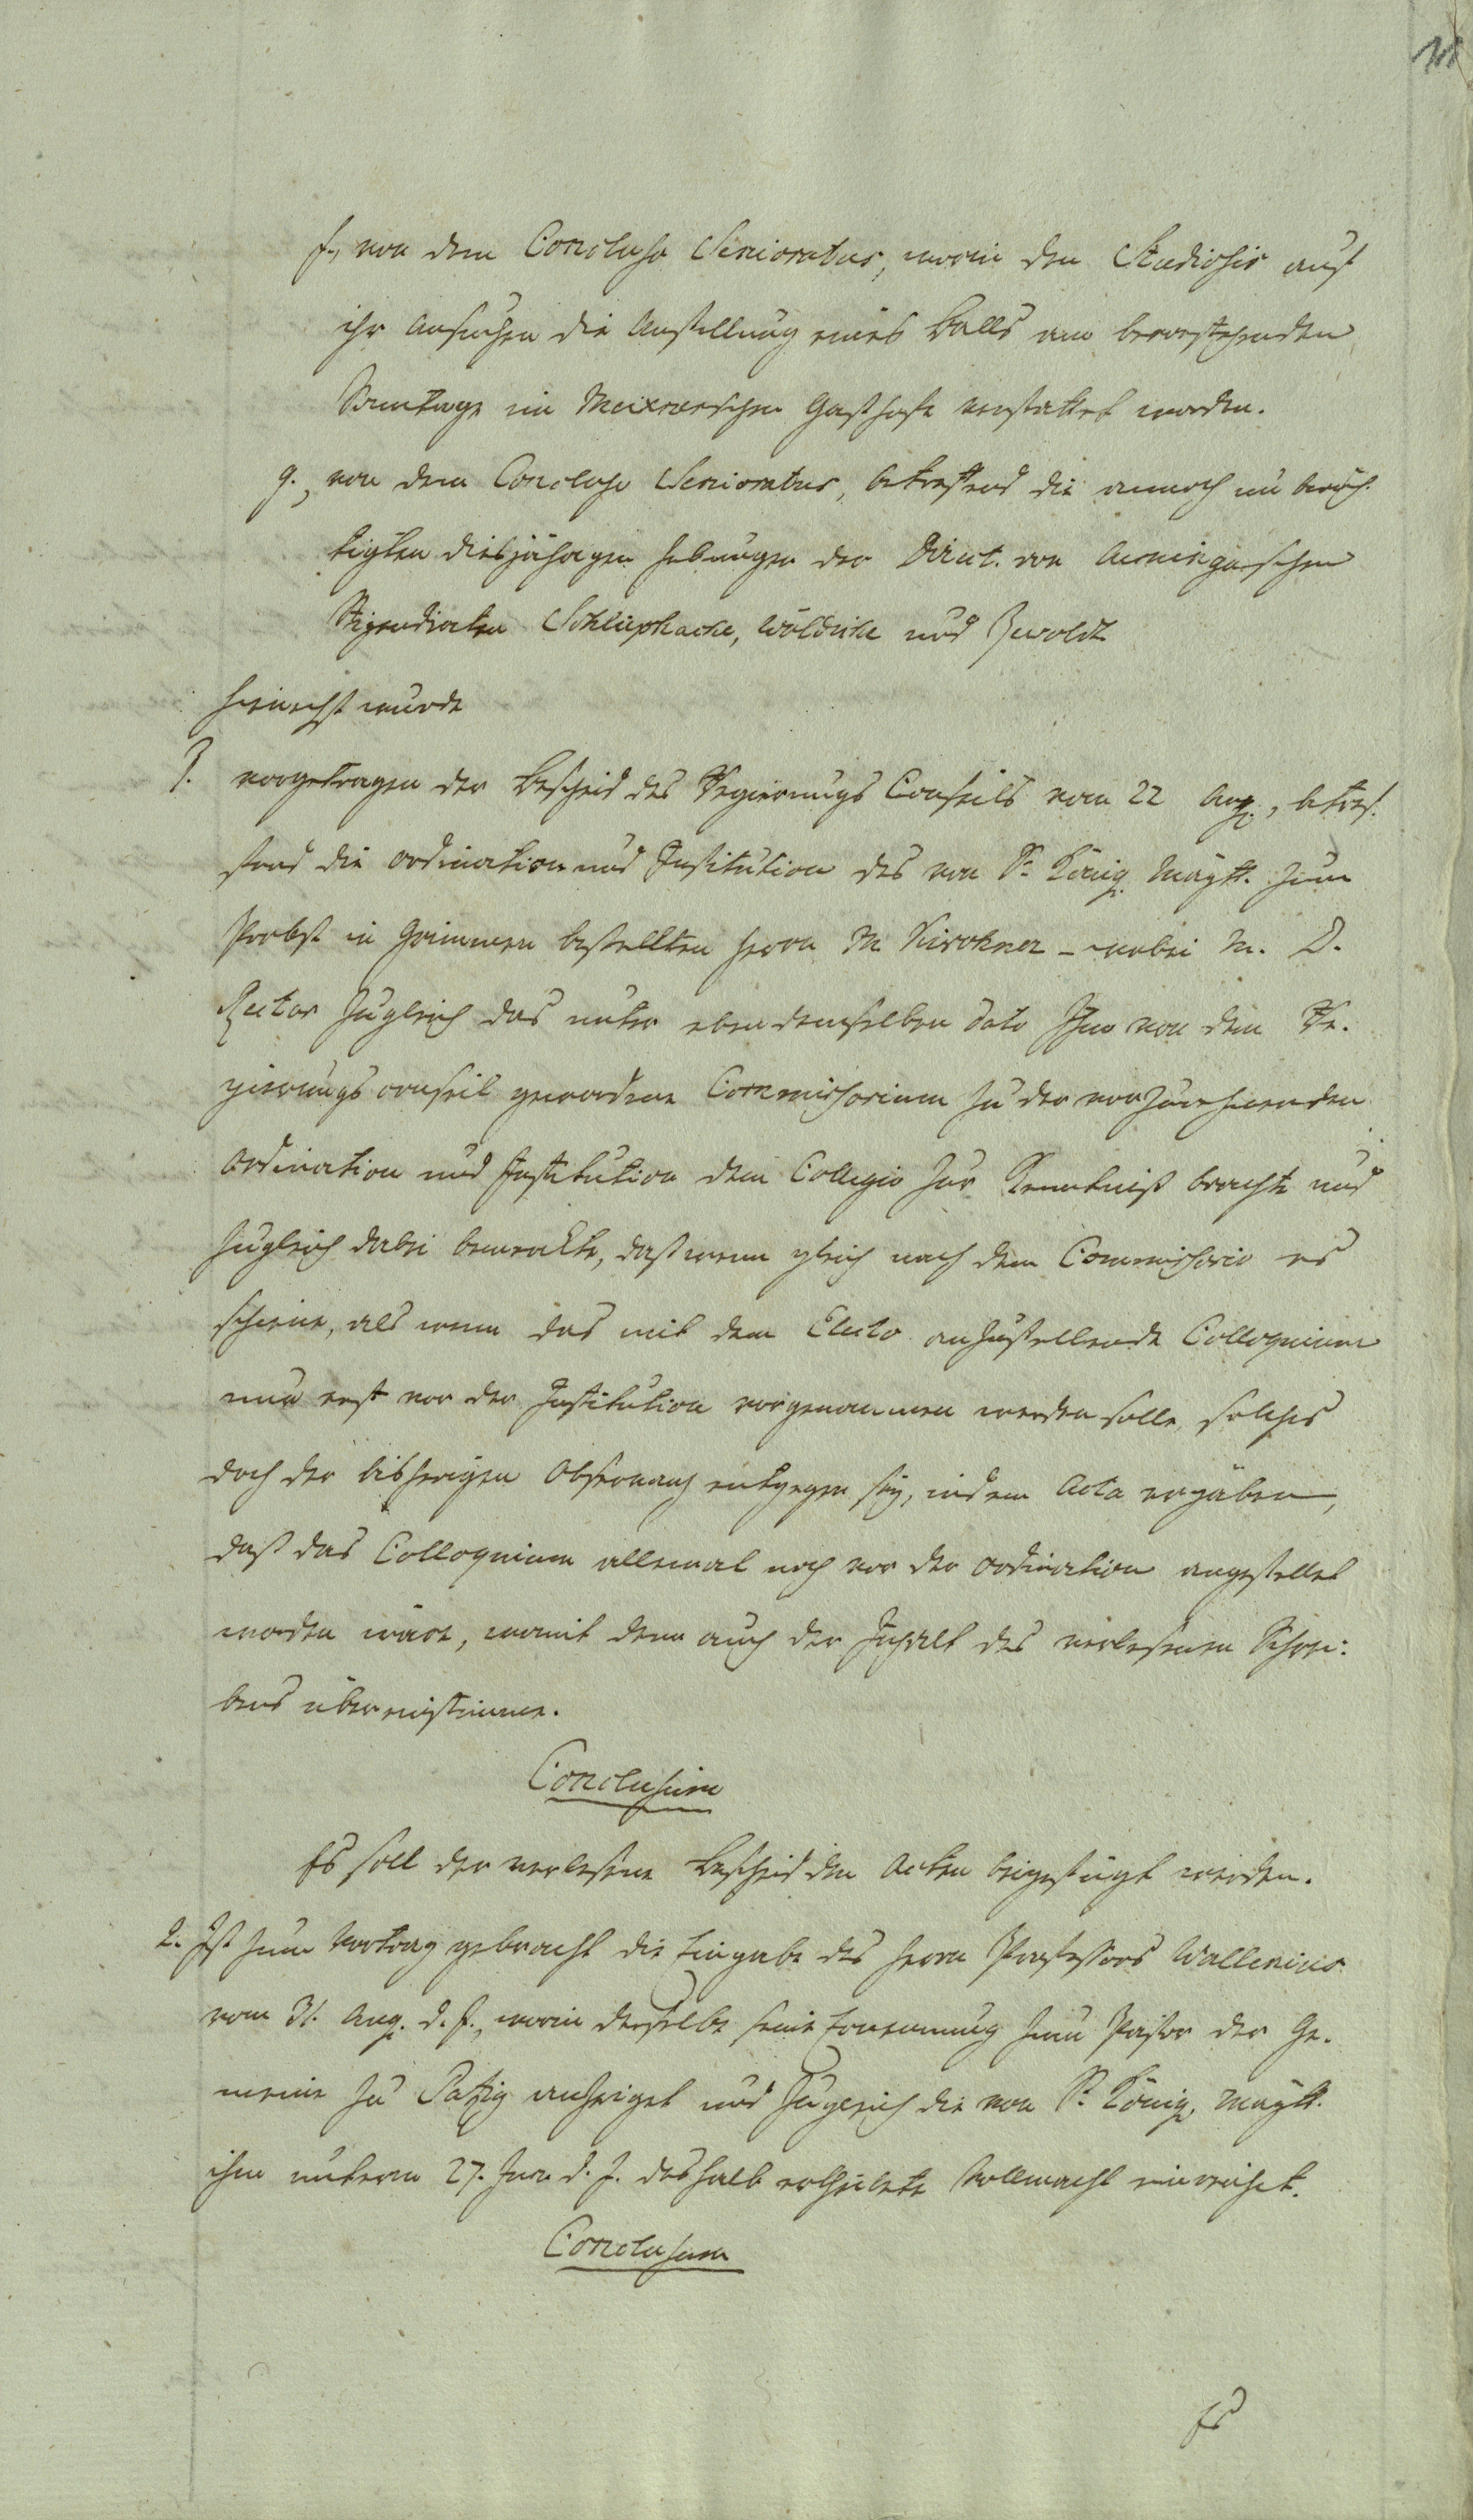f., von dem Cocluso Senioratus, worin den Studiosis auf
ihr Ansuchen die Anstellung eines Balls am bevorstehenden
Sonntage im Meixnerschen Gasthofe verstattet worden.
g., von dem Concluso Senioratus, betreffend die annoch un berech¬
tigten diesjährigen hebungen der Direct. von Aemingaschen
Stipendiaten Schluphacke, Wöldicke und Rewoldt.
hienechst wurde
1. vorgetragen der Bescheid des Regierungs Conseils vom 22. Aug. betref¬
fend die ordination und Institution des von Sr. Königl. Maÿtt. zum
Probst in Grimmen bestellten herrn M Kirchner wobei M. D.
Rector zugleich das unter eben demselben dato Ihm von dem Re¬
gierungs conseil gewordene Commissorium zu der vorzunehmenden
ordination und Institution dem Collegio zur Kenntniß brachte und
zugleich dabei bemerckte, daß wenn gleich nach dem Commissorio es
schiene, als wenn das mit dem Electo anzustellende Colloquium
nur erst vor der Institution vorgenommen werden solle, solches
doch der bisherigen Observanz entgegen seÿ, indem Acta ergäben,
daß das Colloquium allemal noch vor der ordination angestellet
worden wäre, womit denn auch der Inhalt des verlesenen Schrei¬
bens übereinstimme.
Conclusum
Es soll der verlesene Bescheid den Acten beigefügt werden.
2. Ist zum Vortrag gebracht die Eingabe des herrn Professors Wallenius
vom 31. Aug. d. J. worin derselbe seine Ernennung zum Pastor der Ge¬
meine zu Patzig anzeiget und zugleich die von Sr. Königl. Maÿtt.
ihm unterm 27. Jun. d. J. deshalb ertheilete Vollmacht einreichet.
Conclusum
Es